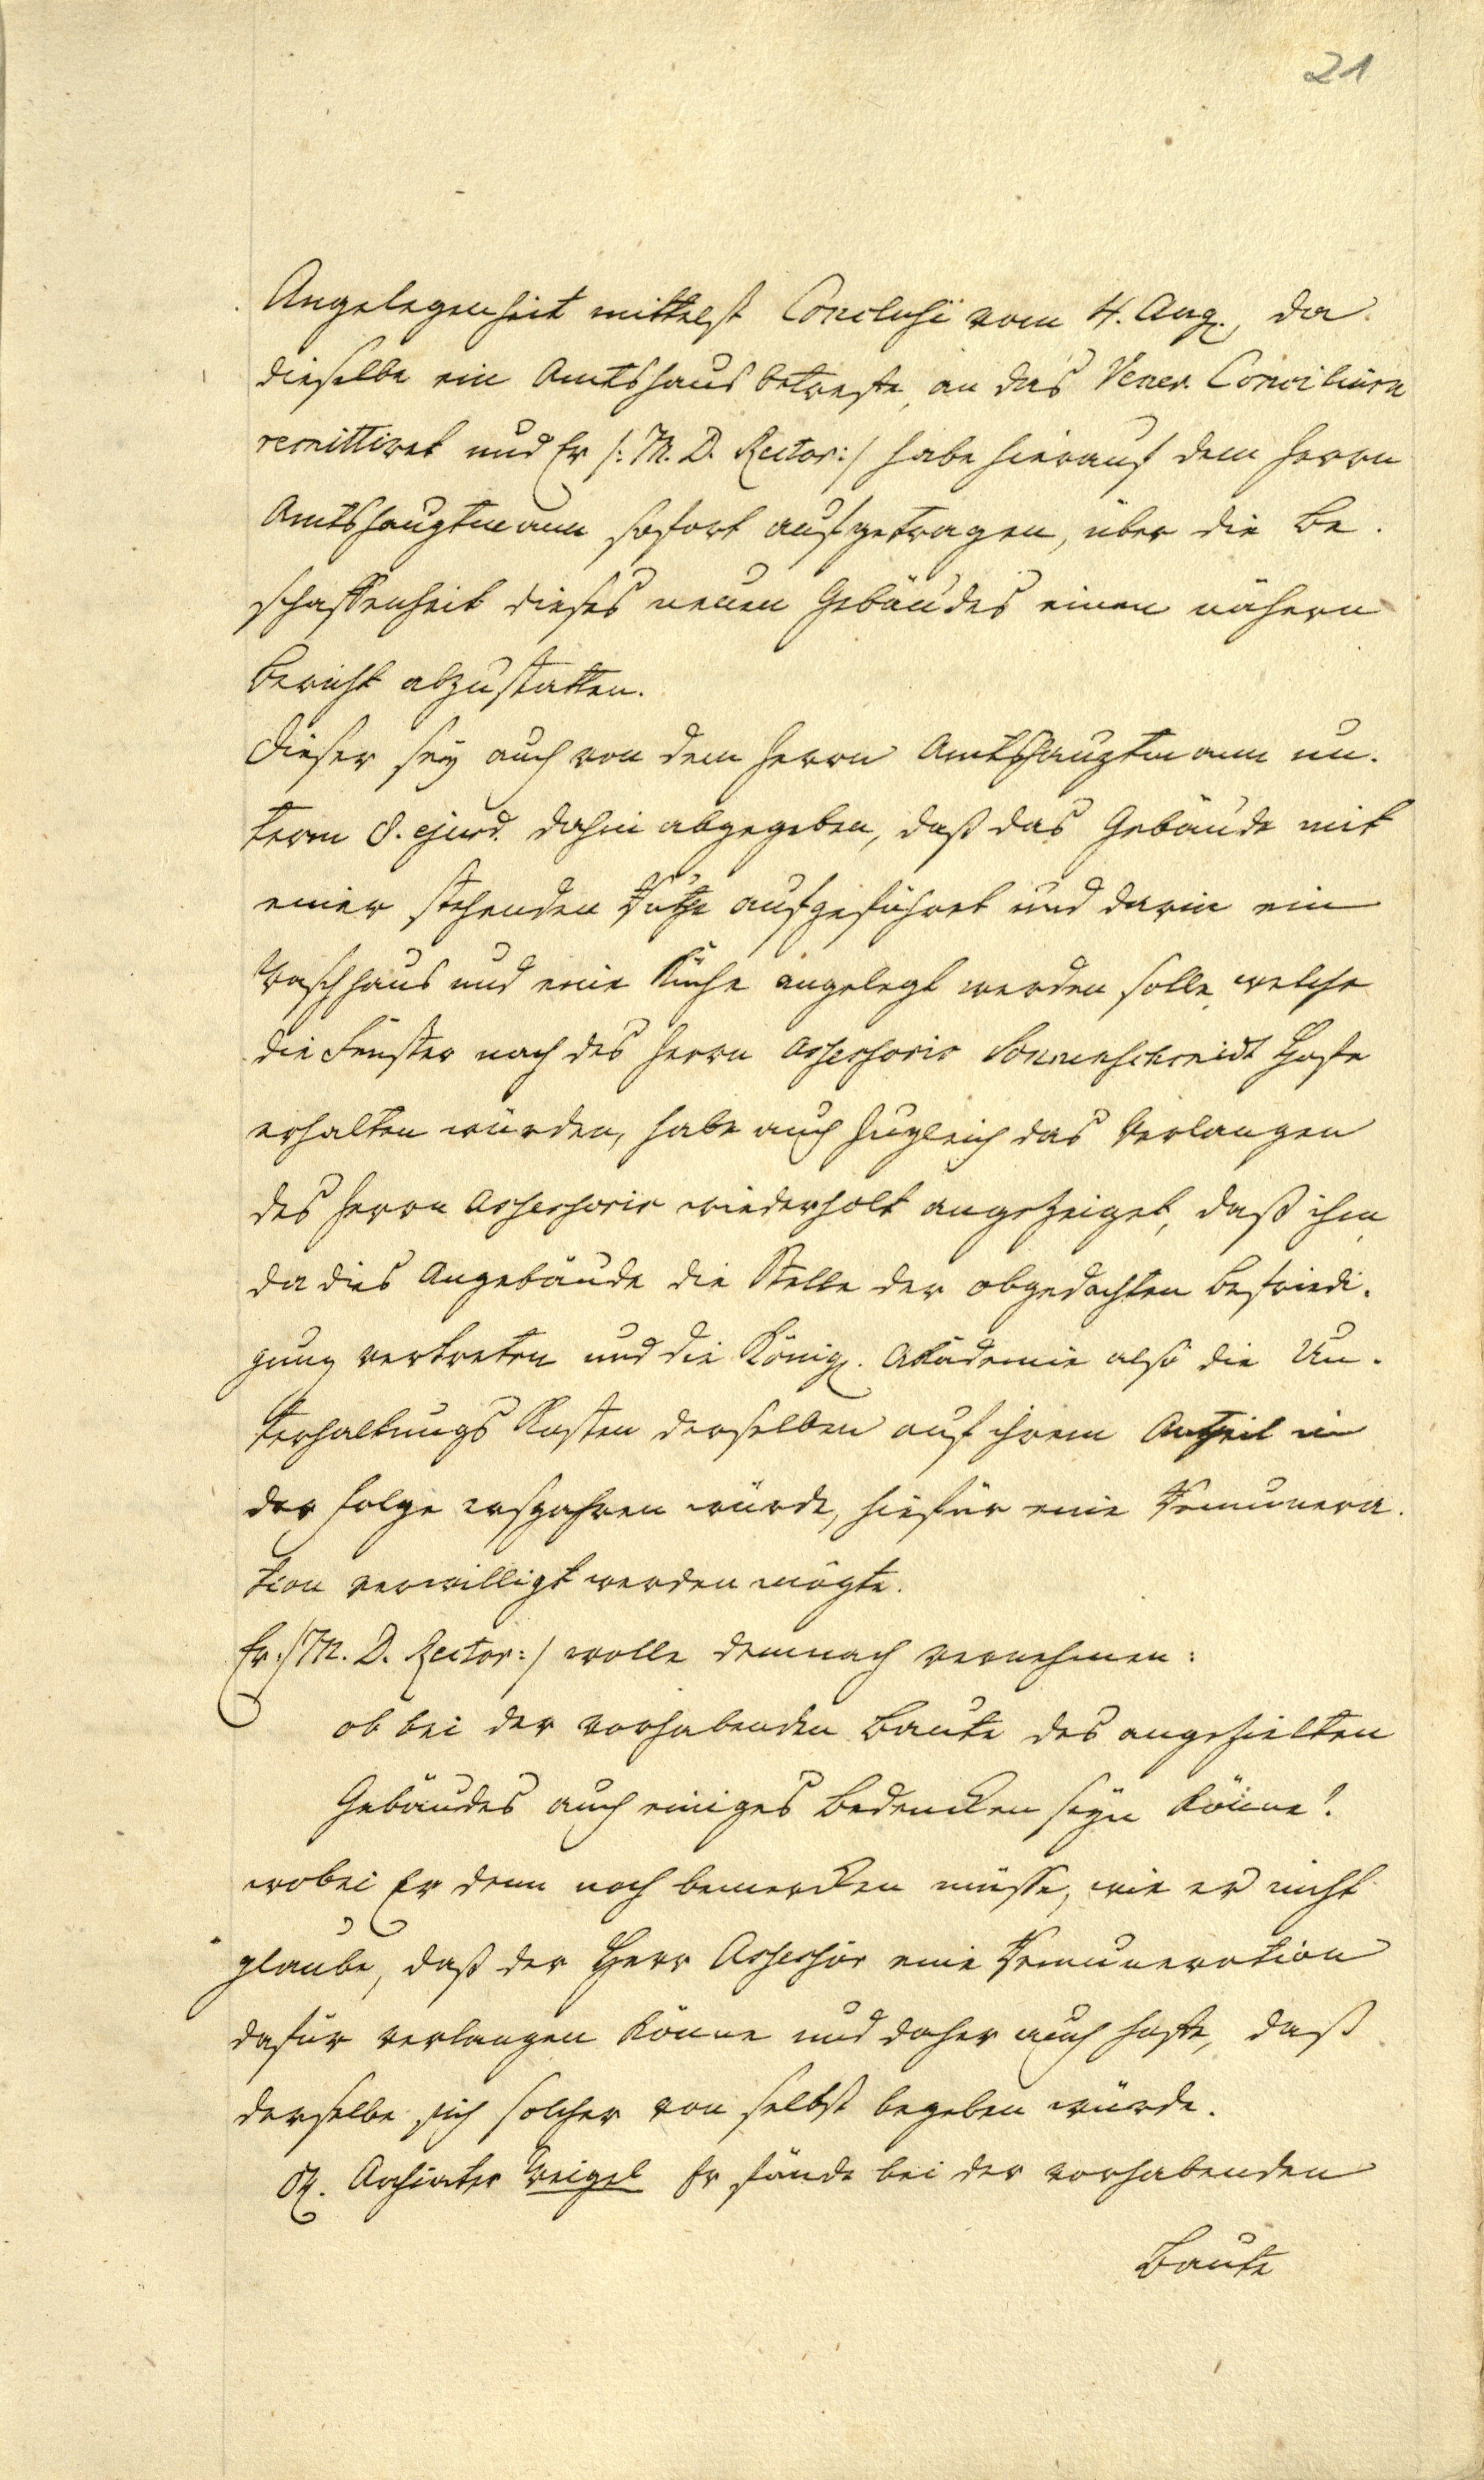Angelegenheit mittelst Conclusi vom 4. Aug. da
dieselbe ein Amtshaus betrefe, an das Vener. Concilium
remittiret und Er / M. D. Rector / habe hierauf dem herrn
Amtshauptmann sofort aufgetragen, über die Be¬
schaffenheit dieses neuen Gebäudes einen nähern
Bericht abzustatten.
Dieser seÿ auch von dem herrn Amtshauptmann un¬
term 8. ejusd. dahin abgegeben, daß das Gebäude mit
einer stehenden Ruthe aufgeführet und darin ein
Waschhaus und eine Küche angelegt werden solle welche
die Fenster nach des herrn Assessoris Sonnenschmidt Hofe
erhalten würden, habe auch zugleich das Verlangen
des herrn Assessors wiederholt angezeiget, daß ihm
da dies Angebäude die Stelle der obgedachten Befriedi¬
gung vertreten und die Königl. Akademie also die Un¬
terhaltungs Kosten derselben auf ihrem Antheil in
der Folge erspahren würde, hiefür eine Remunera¬
tion verwilligt werden mögte.
Er / M. D. Rector / wolle demnach vernehmen:
ob bei der vorhabenden Baute des angezielten
Gebäudes auch einiges Bedencken seÿn könne?
wobei Er denn noch bemercken müsse, wie er nicht
glaube, daß der Herr Assessor eine Remuneration
dafür verlangen könne, und daher auch hoffe, daß
derselbe sich solcher von selbst begeben würde.
dh. Archiater Weigel Er fände bei der vorhabenden
Baute